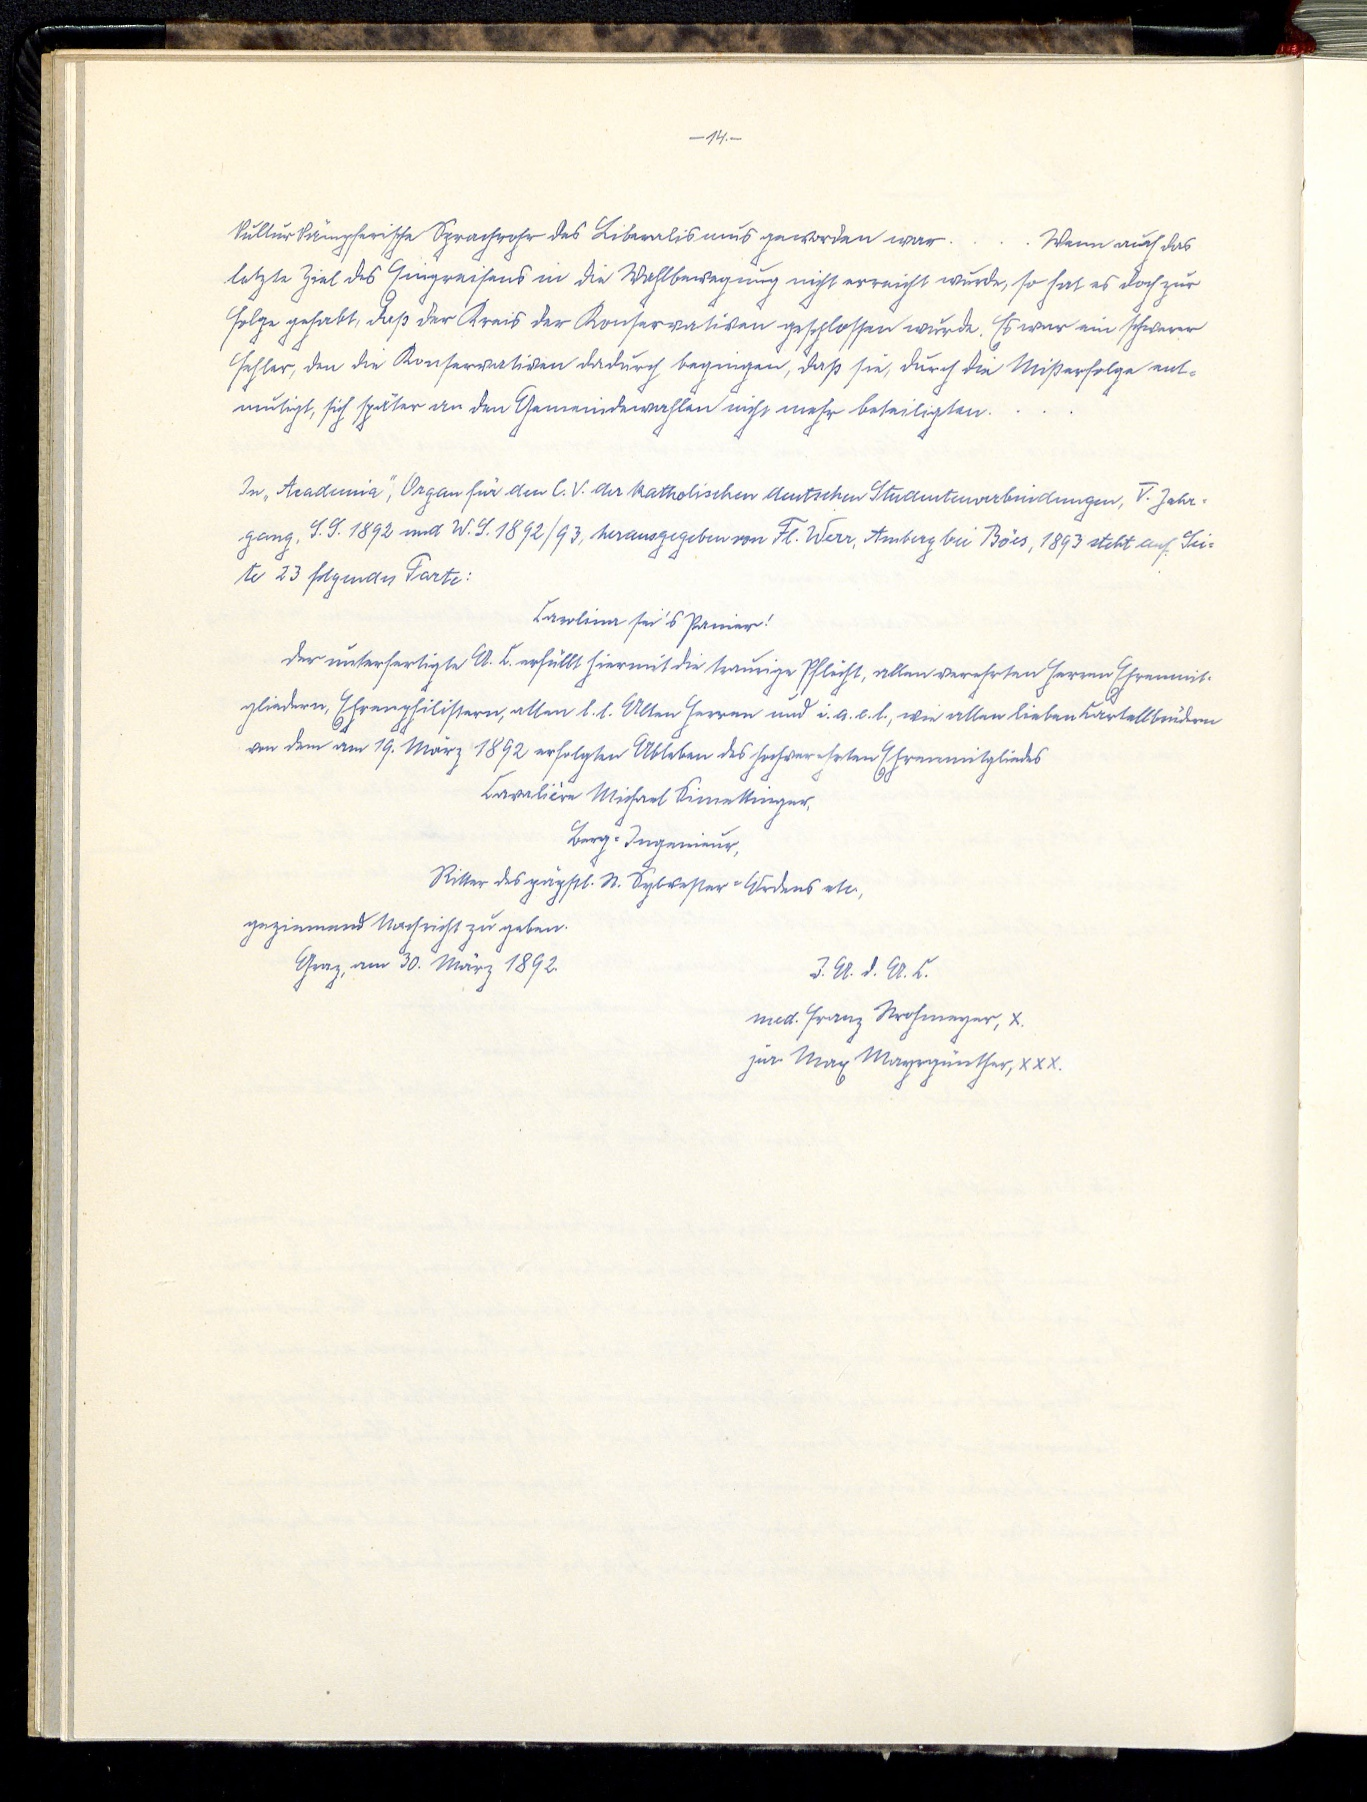-14.-
kulturkämpferische Sprachrohr des Liberalismus geworden war . . . . Wann auch das
letzte Ziel des Eingreifens in die Wahlbewegung nicht erreicht wurde, so hat es doch zur
Folge gehabt, daß der Kreis der Konservativen geschlossen wurde. Es war ein schwerer
Fehler, den die Konservativen dadurch begingen, daß sie, durch die Mißerfolge ent-
mutigt, sich später an den Gemeindewahlen nicht mehr beteiligten.
In "Academia", Organ für den C. V. der katholischen deutschen Studentenverbindungen, V. Jahr-
gang, S. S. 1892 und W. S. 1892/93, herausgegeben von Fl. Werr, Amberg bei Boes, 1893 steht auf Sei-
te 23 folgende Parte:
Carolina sec's Premier!
Der unterfertigte A. C. erfüllt hiermit die traurige Pflicht, allen verehrten Herren Ehrenmit-
gliedern, Ehrenphilistern, allen l. l. Alten Herren und i. a. b. l., wie allen lieben Cartellbrüdern
von dem am 19. März 1892 erfolgten Ableben des hochverehrten Ehrenmitglieds
Carolier Michael Simettinger,
Berg-Ingenieur.
Ritter des XXX St. XXX-Ordens XXX,
geziemend Nachricht zu geben.
Graz, am 30. März 1892.
I. A. d. A. C.
med. Franz Strohmeyer, X.
jur. Max XXX, XXX.